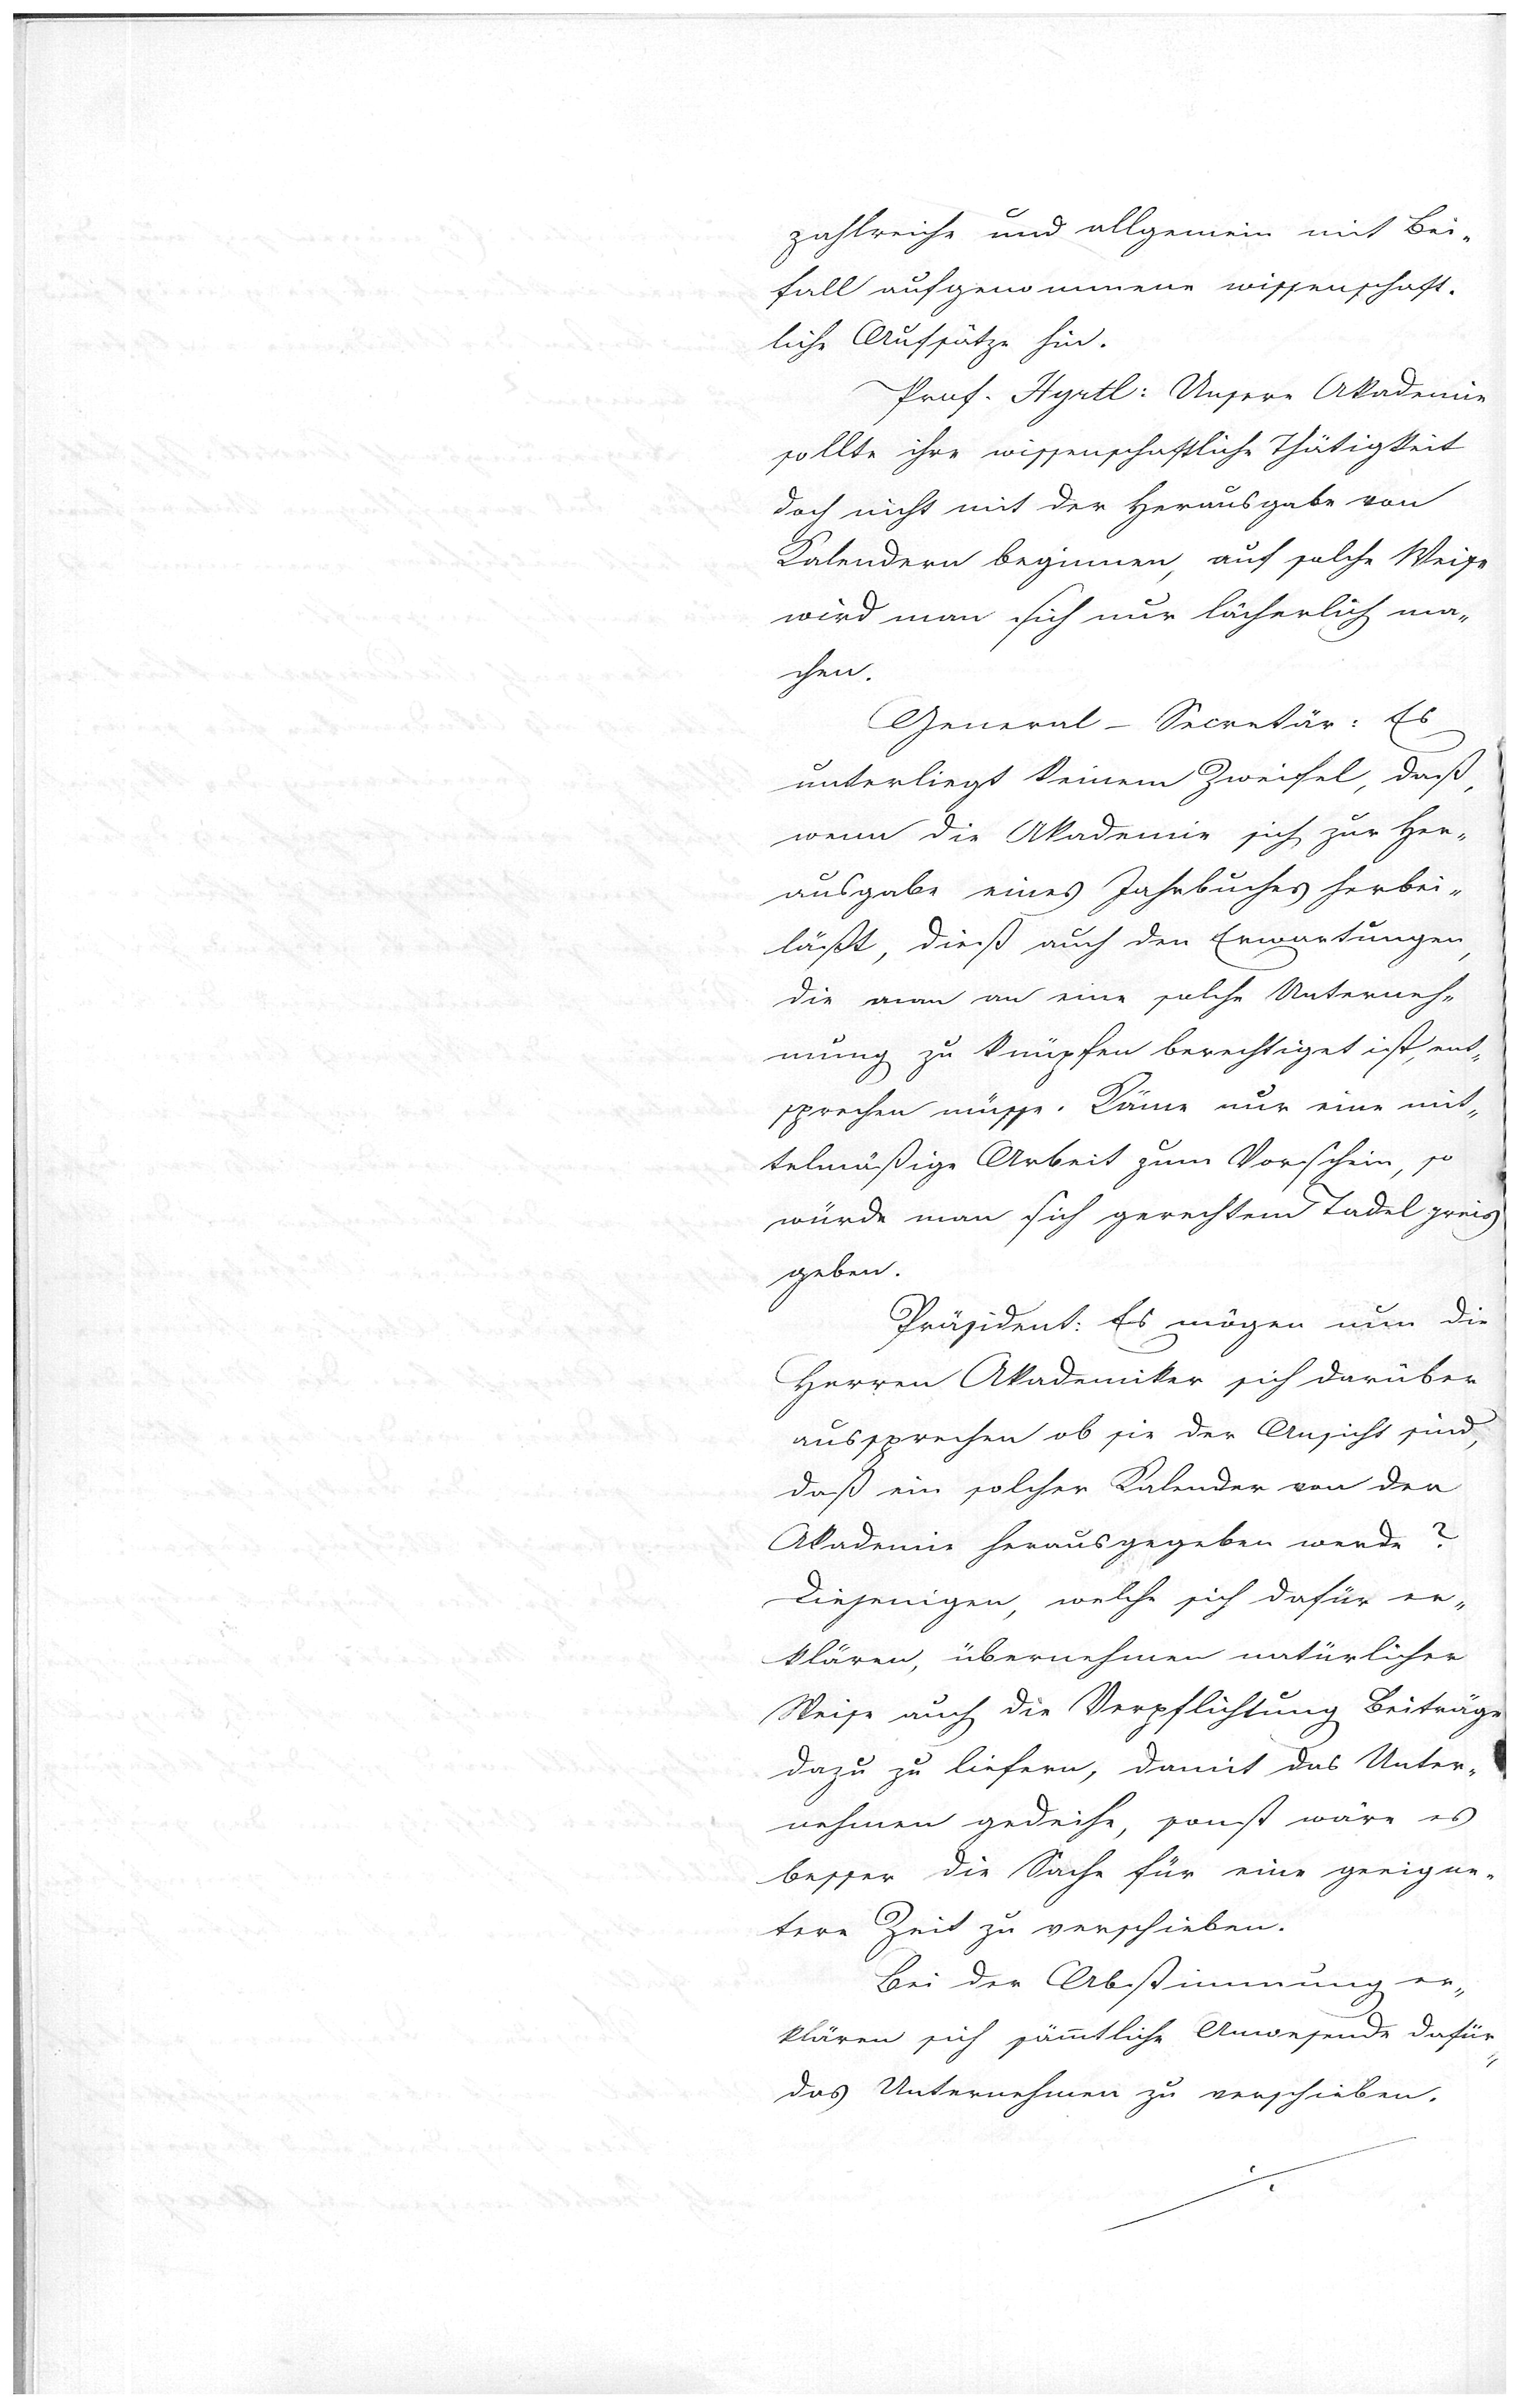zahlreiche und allgemeine mit Bei-
fall aufgenommene wissenschaft-
liche Aufsätze hin.
Prof. Hyrtl: Unsere Akademie
sollte ihre wissenschaftliche Thätigkeit
doch nicht mit der Herausgabe von
Kalendern beginnen, auf solche Weise
wird man sich nur lächerlich ma-
chen.
General-Secretär: Es
unterliegt keinem Zweifel, daß
wenn die Akademie sich zur Her-
ausgabe eines Jahrbuches hierbei-
läßt, dieß auch den Erwartungen,
die man an eine solche Unterneh-
mung zu knüpfen berechtiget ist, ent-
sprechen müsse. Käme nur eine mit-
telmäßige Arbeit zum Vorschein, so
wurde man sich gerechtem Tadel preis
geben.
Präsident: Es mögen nun die
Herren Akademiker sich darüber
aussprechen ob sie der Ansicht sind,
daß ein solcher Kalender von der
Akademie herausgegeben werde?
Diejenigen, welche sich dafür er-
klären, übernehmen natürlicher
Weise auch die Verpflichtung Beiträge
dazu zu liefern, damit das Unter-
nehmen gedeihe, sonst wäre es
besser die Sache für eine geeigne-
terer Zeit zu verschieben.
Bei der Abstimmung er-
klären sich sämmtliche Anwesende dafür,
das Unternehmen zu verschieben.